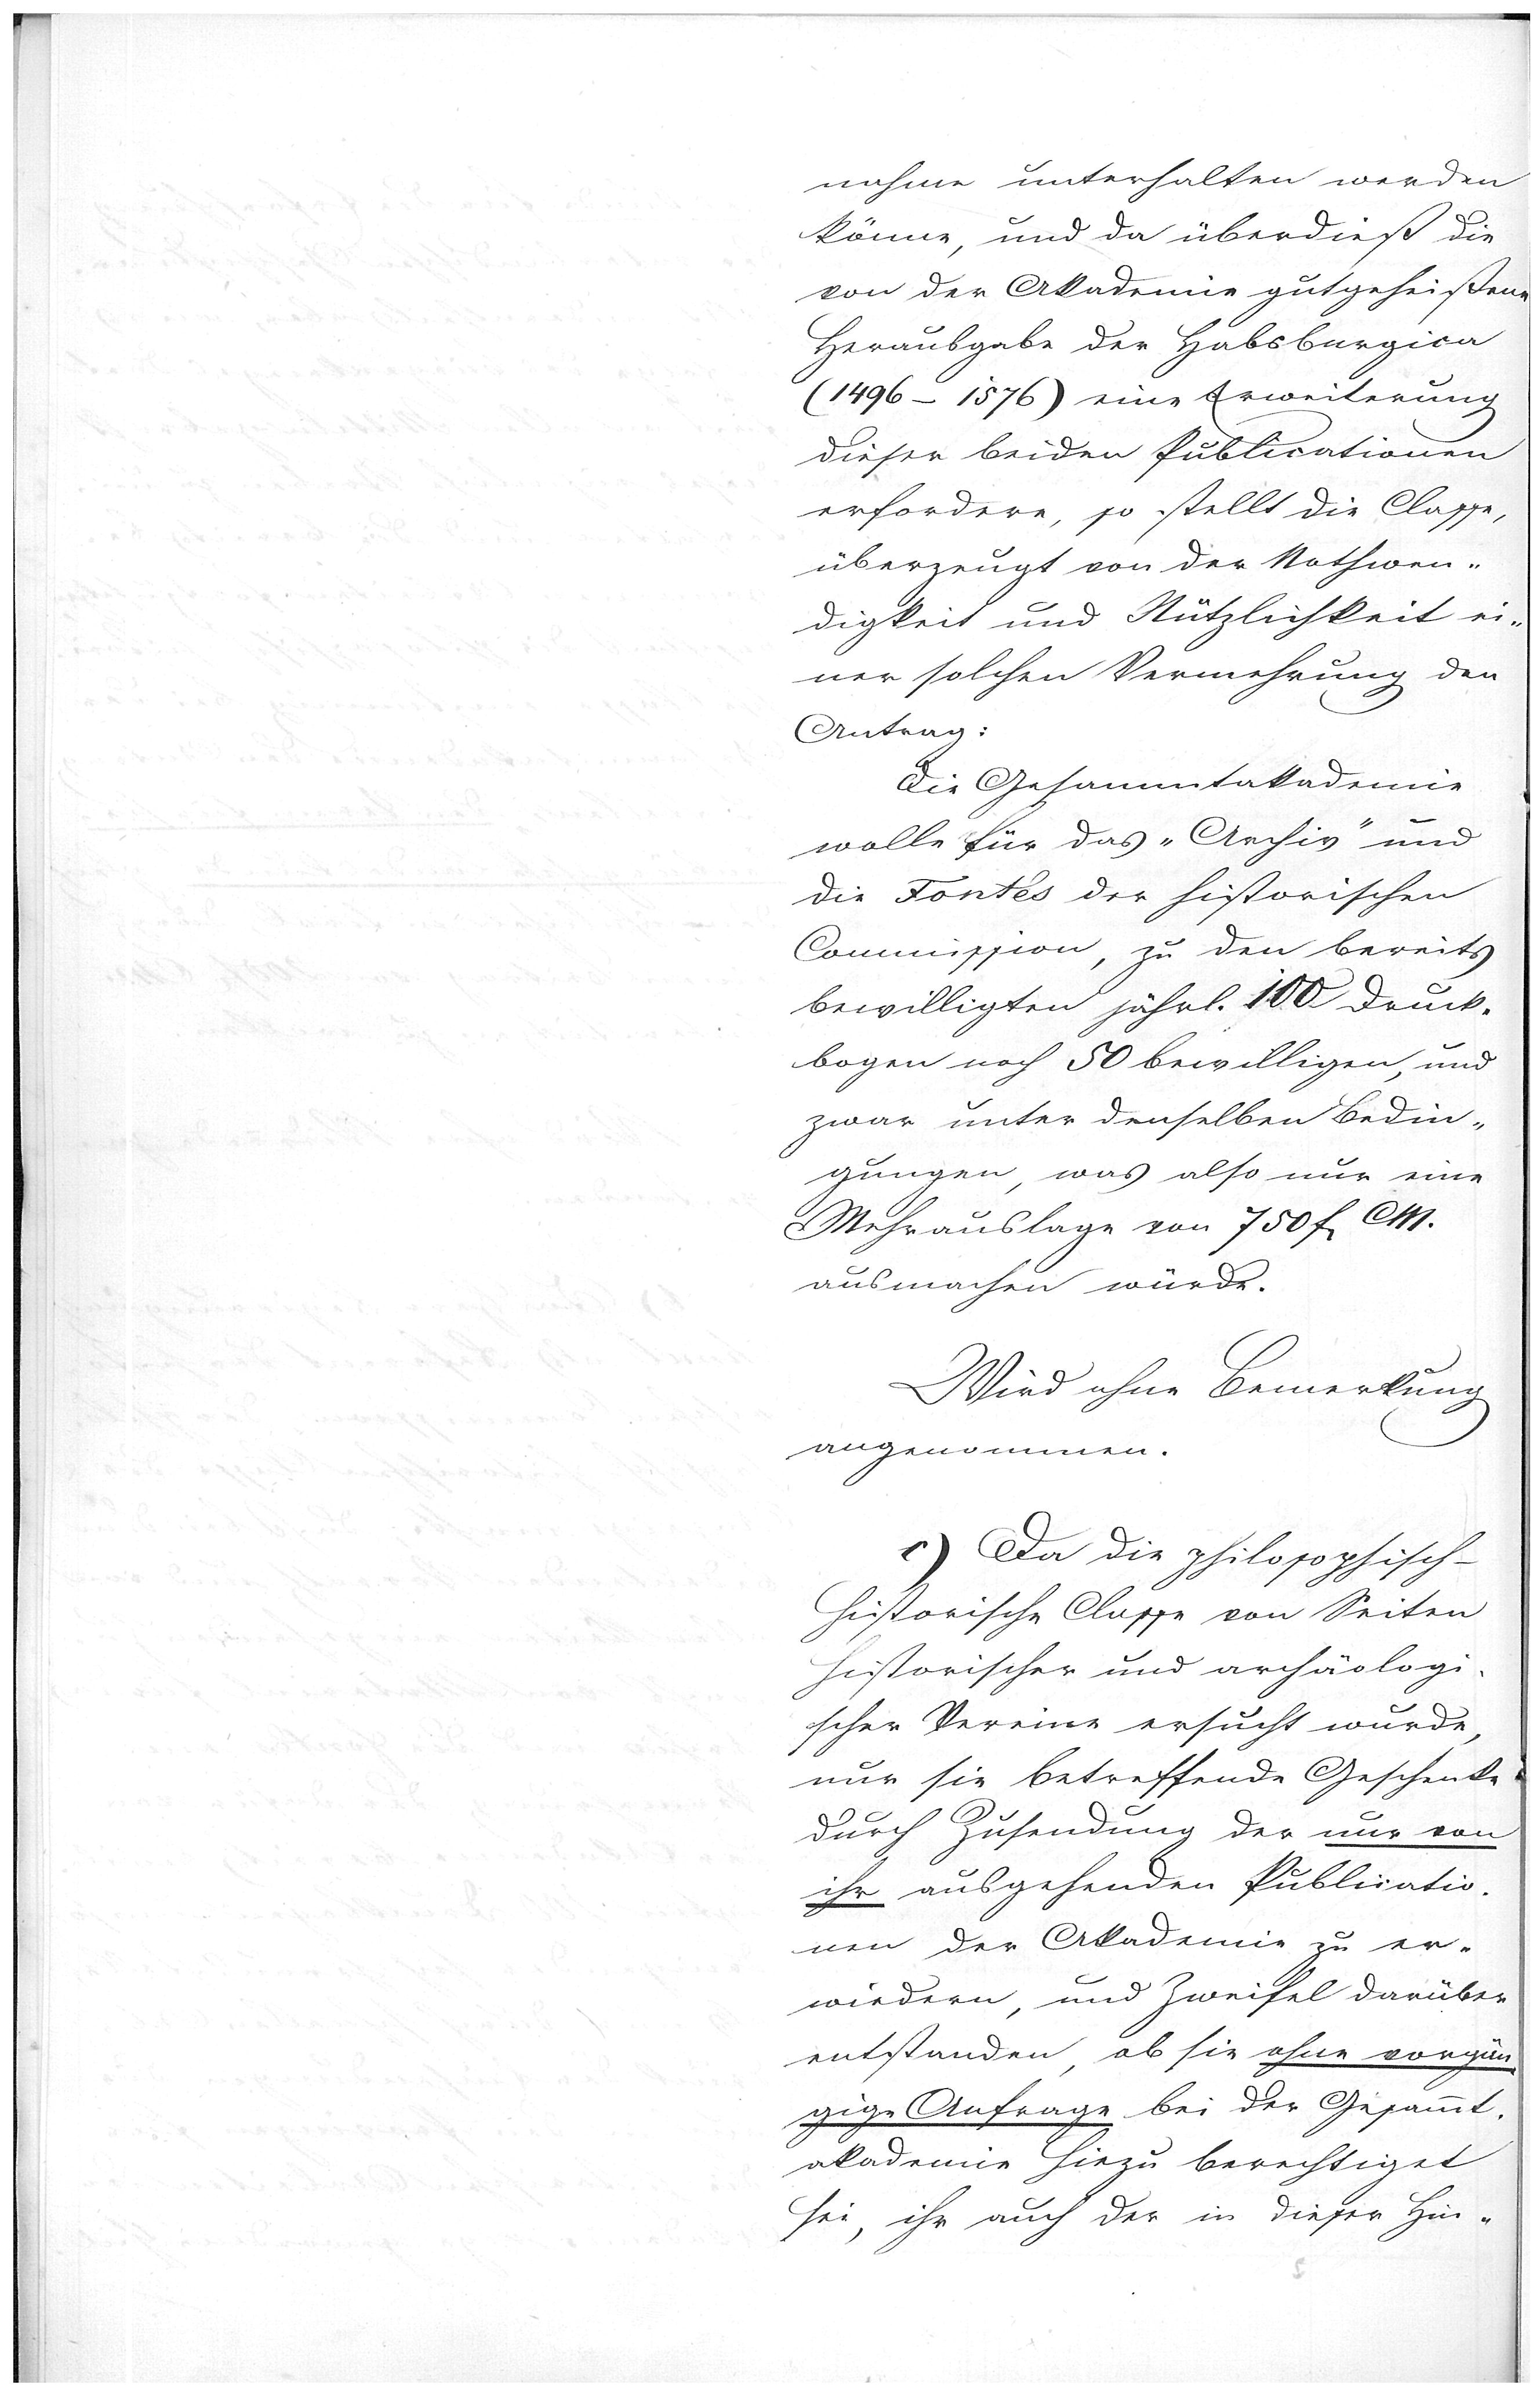nahme unterhalten werden
könne, und da überdieß die
von der Akademie gutgeheißene
Herausgabe der Habsburgica
(1496-1576) eine Erweiterung
dieser beiden Publicationen
erfordere, so stellt die Classe,
überzeugt von der Nothwen-
digkeit und Nützlichkeit ei-
ner solchen Vermehrung den
Antrag:
Die Gesammtakademnie
wolle für das "Archiv" und
die Fontes der historischen
Commission, zu den bereits
bewilligten jährl. 100 Druck-
bogen noch 50 bewilligen, und
zwar unter denselben Bedin-
gungen, was also nur eine
Mehrauslage von 750 fl CM.
ausmachen würde.
Wie ohne Bemerkung
angenommen.
c) Da die philosophisch-
historische Classe von Seiten
historischer und archäologi-
scher Vereine ersucht wurde,
nur sie betreffende Geschenke
durch Zusendung der nur von
ihr ausgehenden Publicatio-
nen der Akademie zu er-
wiedern, und Zweifel darüber
entstanden, ob sie ohne vorgän-
gige Anfrage bei der Gesammt-
akademie hiezu berechtiget
sei, ihre auch der in dieser Hin-